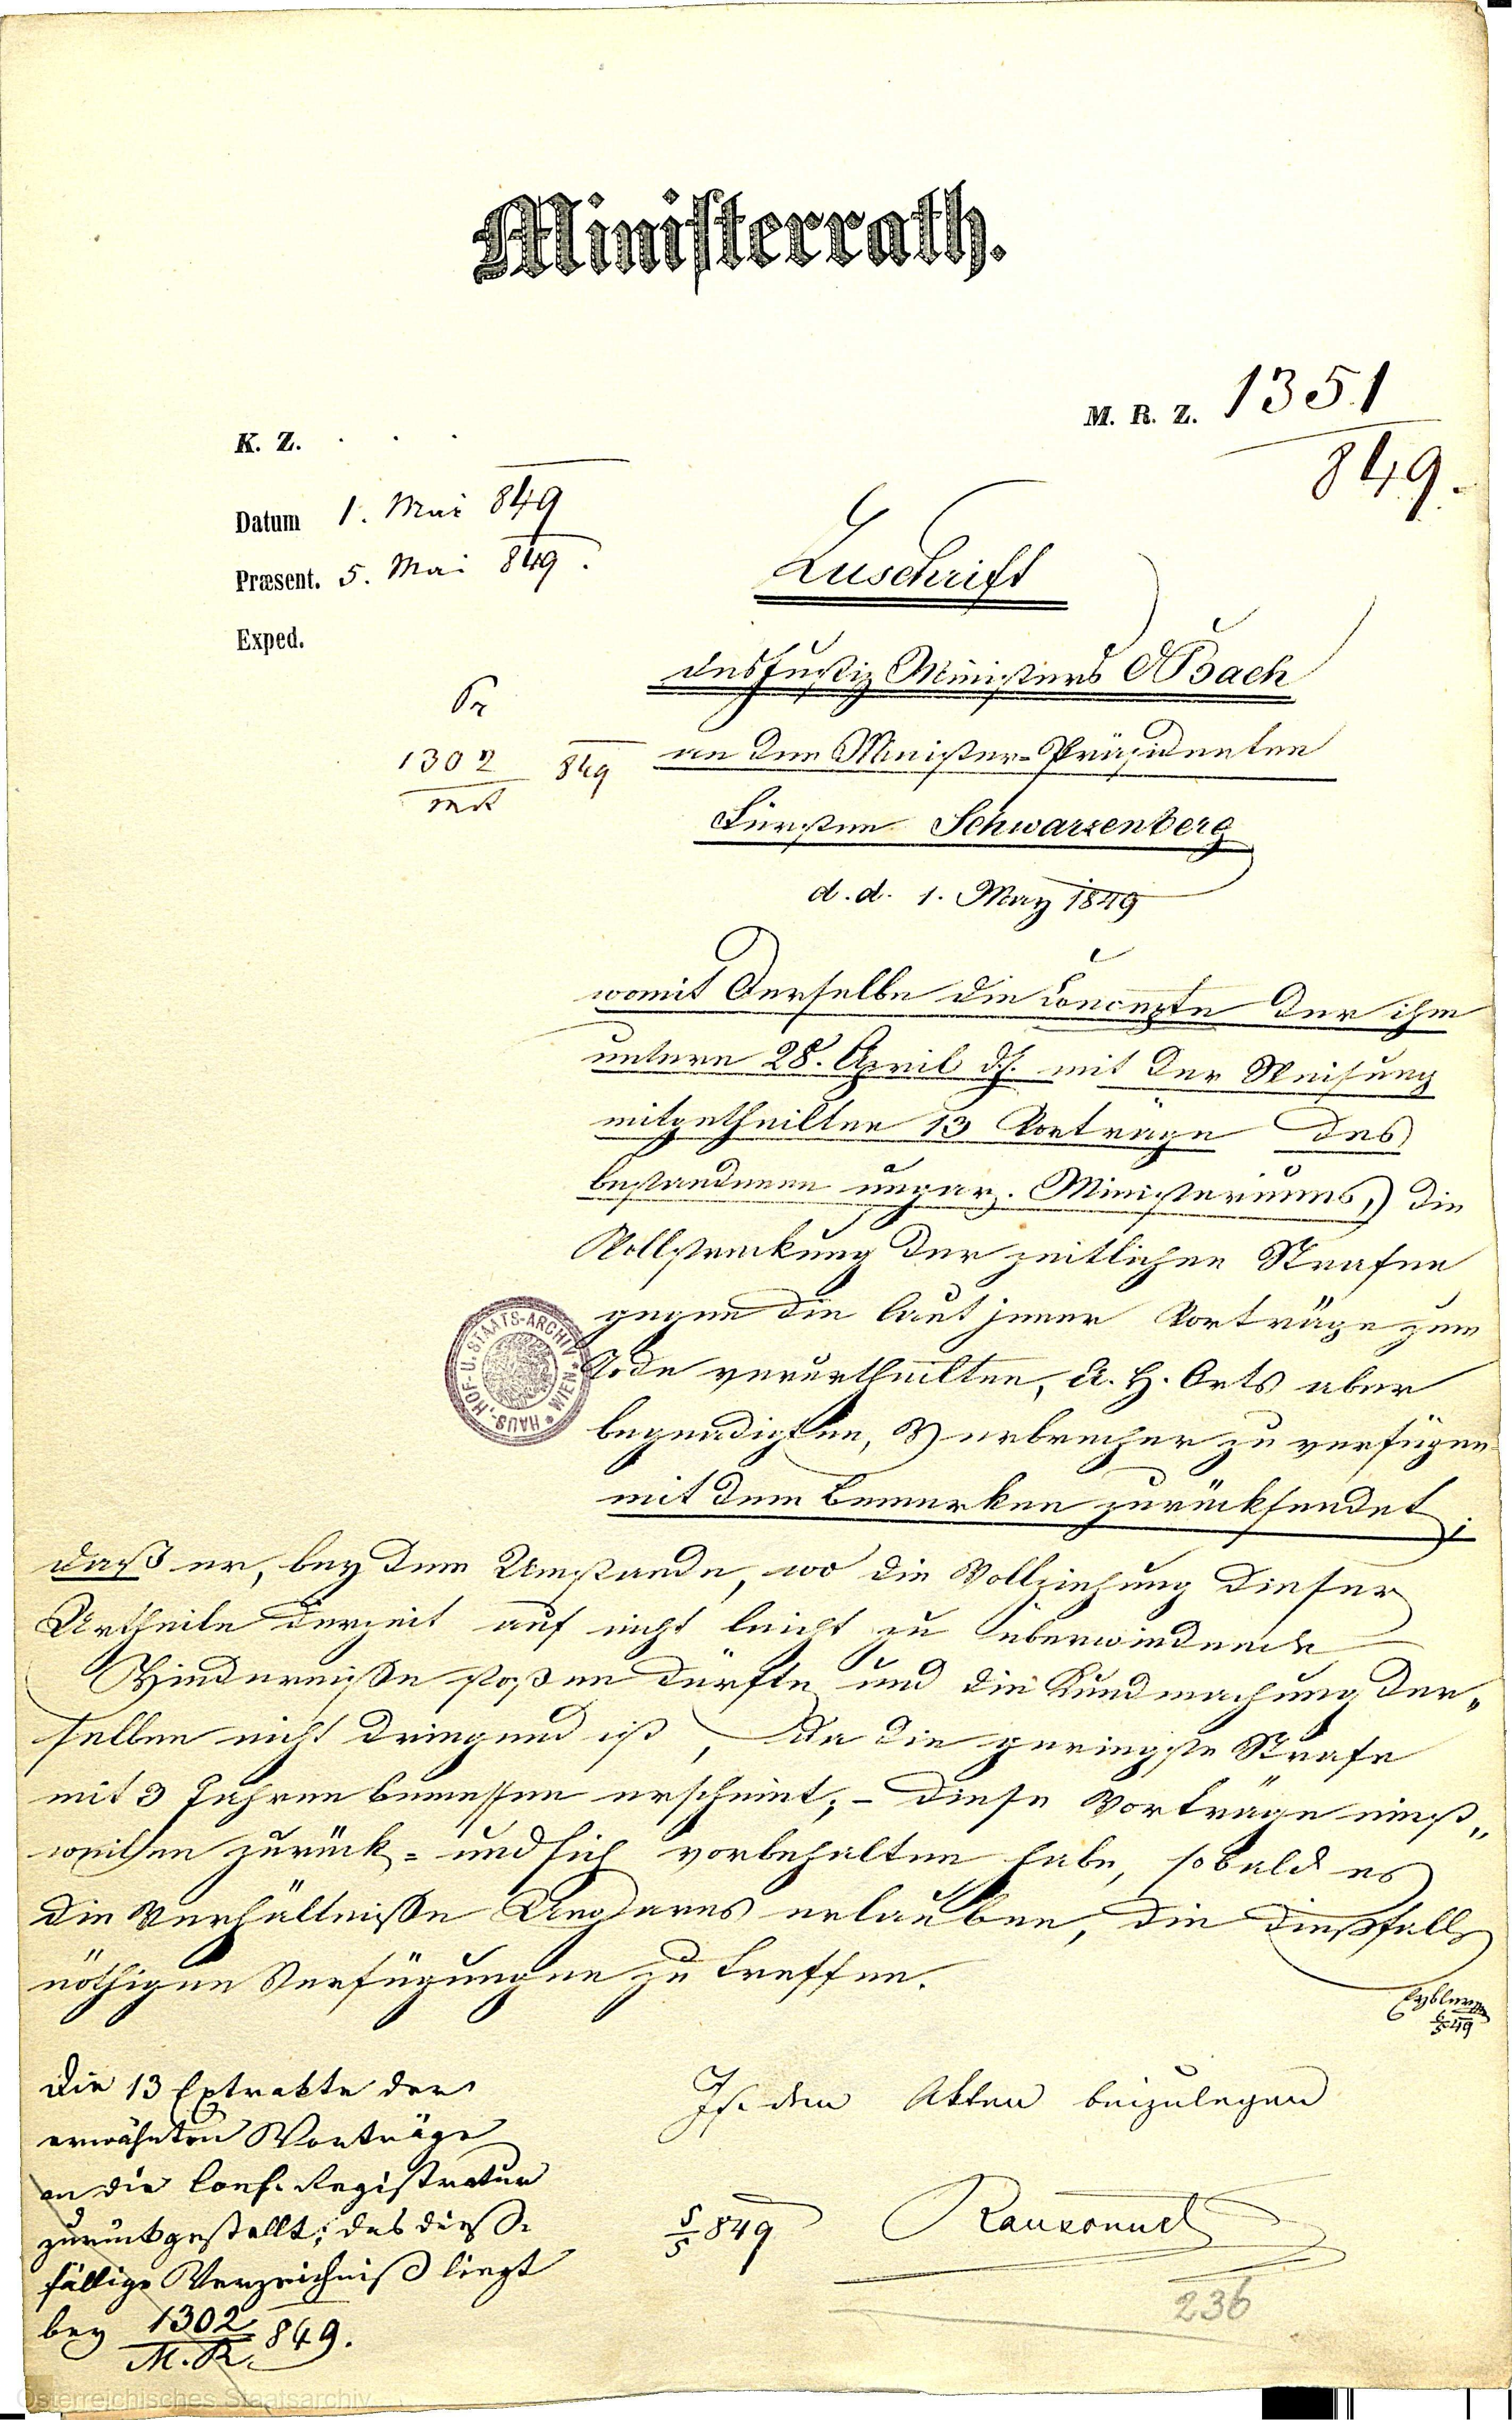Ministerrath.
K.Z. ...
Datum 1. Mai 849
Præsent. 5. Mai 849.
Exped.
M. R. Z. 1351
849.
Luschrift
Des Justiz Ministers Bach
an den Minister-Präsidenten
Fürsten Schwarzenberg
d.d. 1. May 1849
womit derselbe die Concepte der im
untere 28. April xx mit der Weisung
mitgetheilten 13 Vorträge des
bestandenen ungar. Ministeriums, die
Vollstreckung der zeitlichen Strafen
gegen die laut jener Vorträge zum
Tode verurtheilten, A. H. Orts aber
begnadigten, Verbrecher zu verfügen
mit dem Bemerken zurücksendet;
daß er, bey dem Umstande, wo die Vollziehung dieser
Urtheile derzeit auf nicht leicht zu überwindende
Windereiße stoßen dürfte und die Kundmachung der¬
selben nicht dringend ist, da die geringste Strafe
mit 3 Jahren bemessen erscheint;- diese Vorträge einst¬
weilen zurück- und sich vorbehalten habe, sobald es
die Verhältniße Ungares erlauben, die dießfalls
nöthigen Verfügungen zu treffen.
Sr
1302
849
MR
Eyblerxx
6 5 49
Die 13 Extrakte der
erwähnten Vorträge
an die Conf. Registratur
zurück gestellt; des dieß¬
fällige Verzeichniß liegt
bey 1302/ 849
M. R.
Jst den Akten beizulegen
5/5 849
Rauxx
236